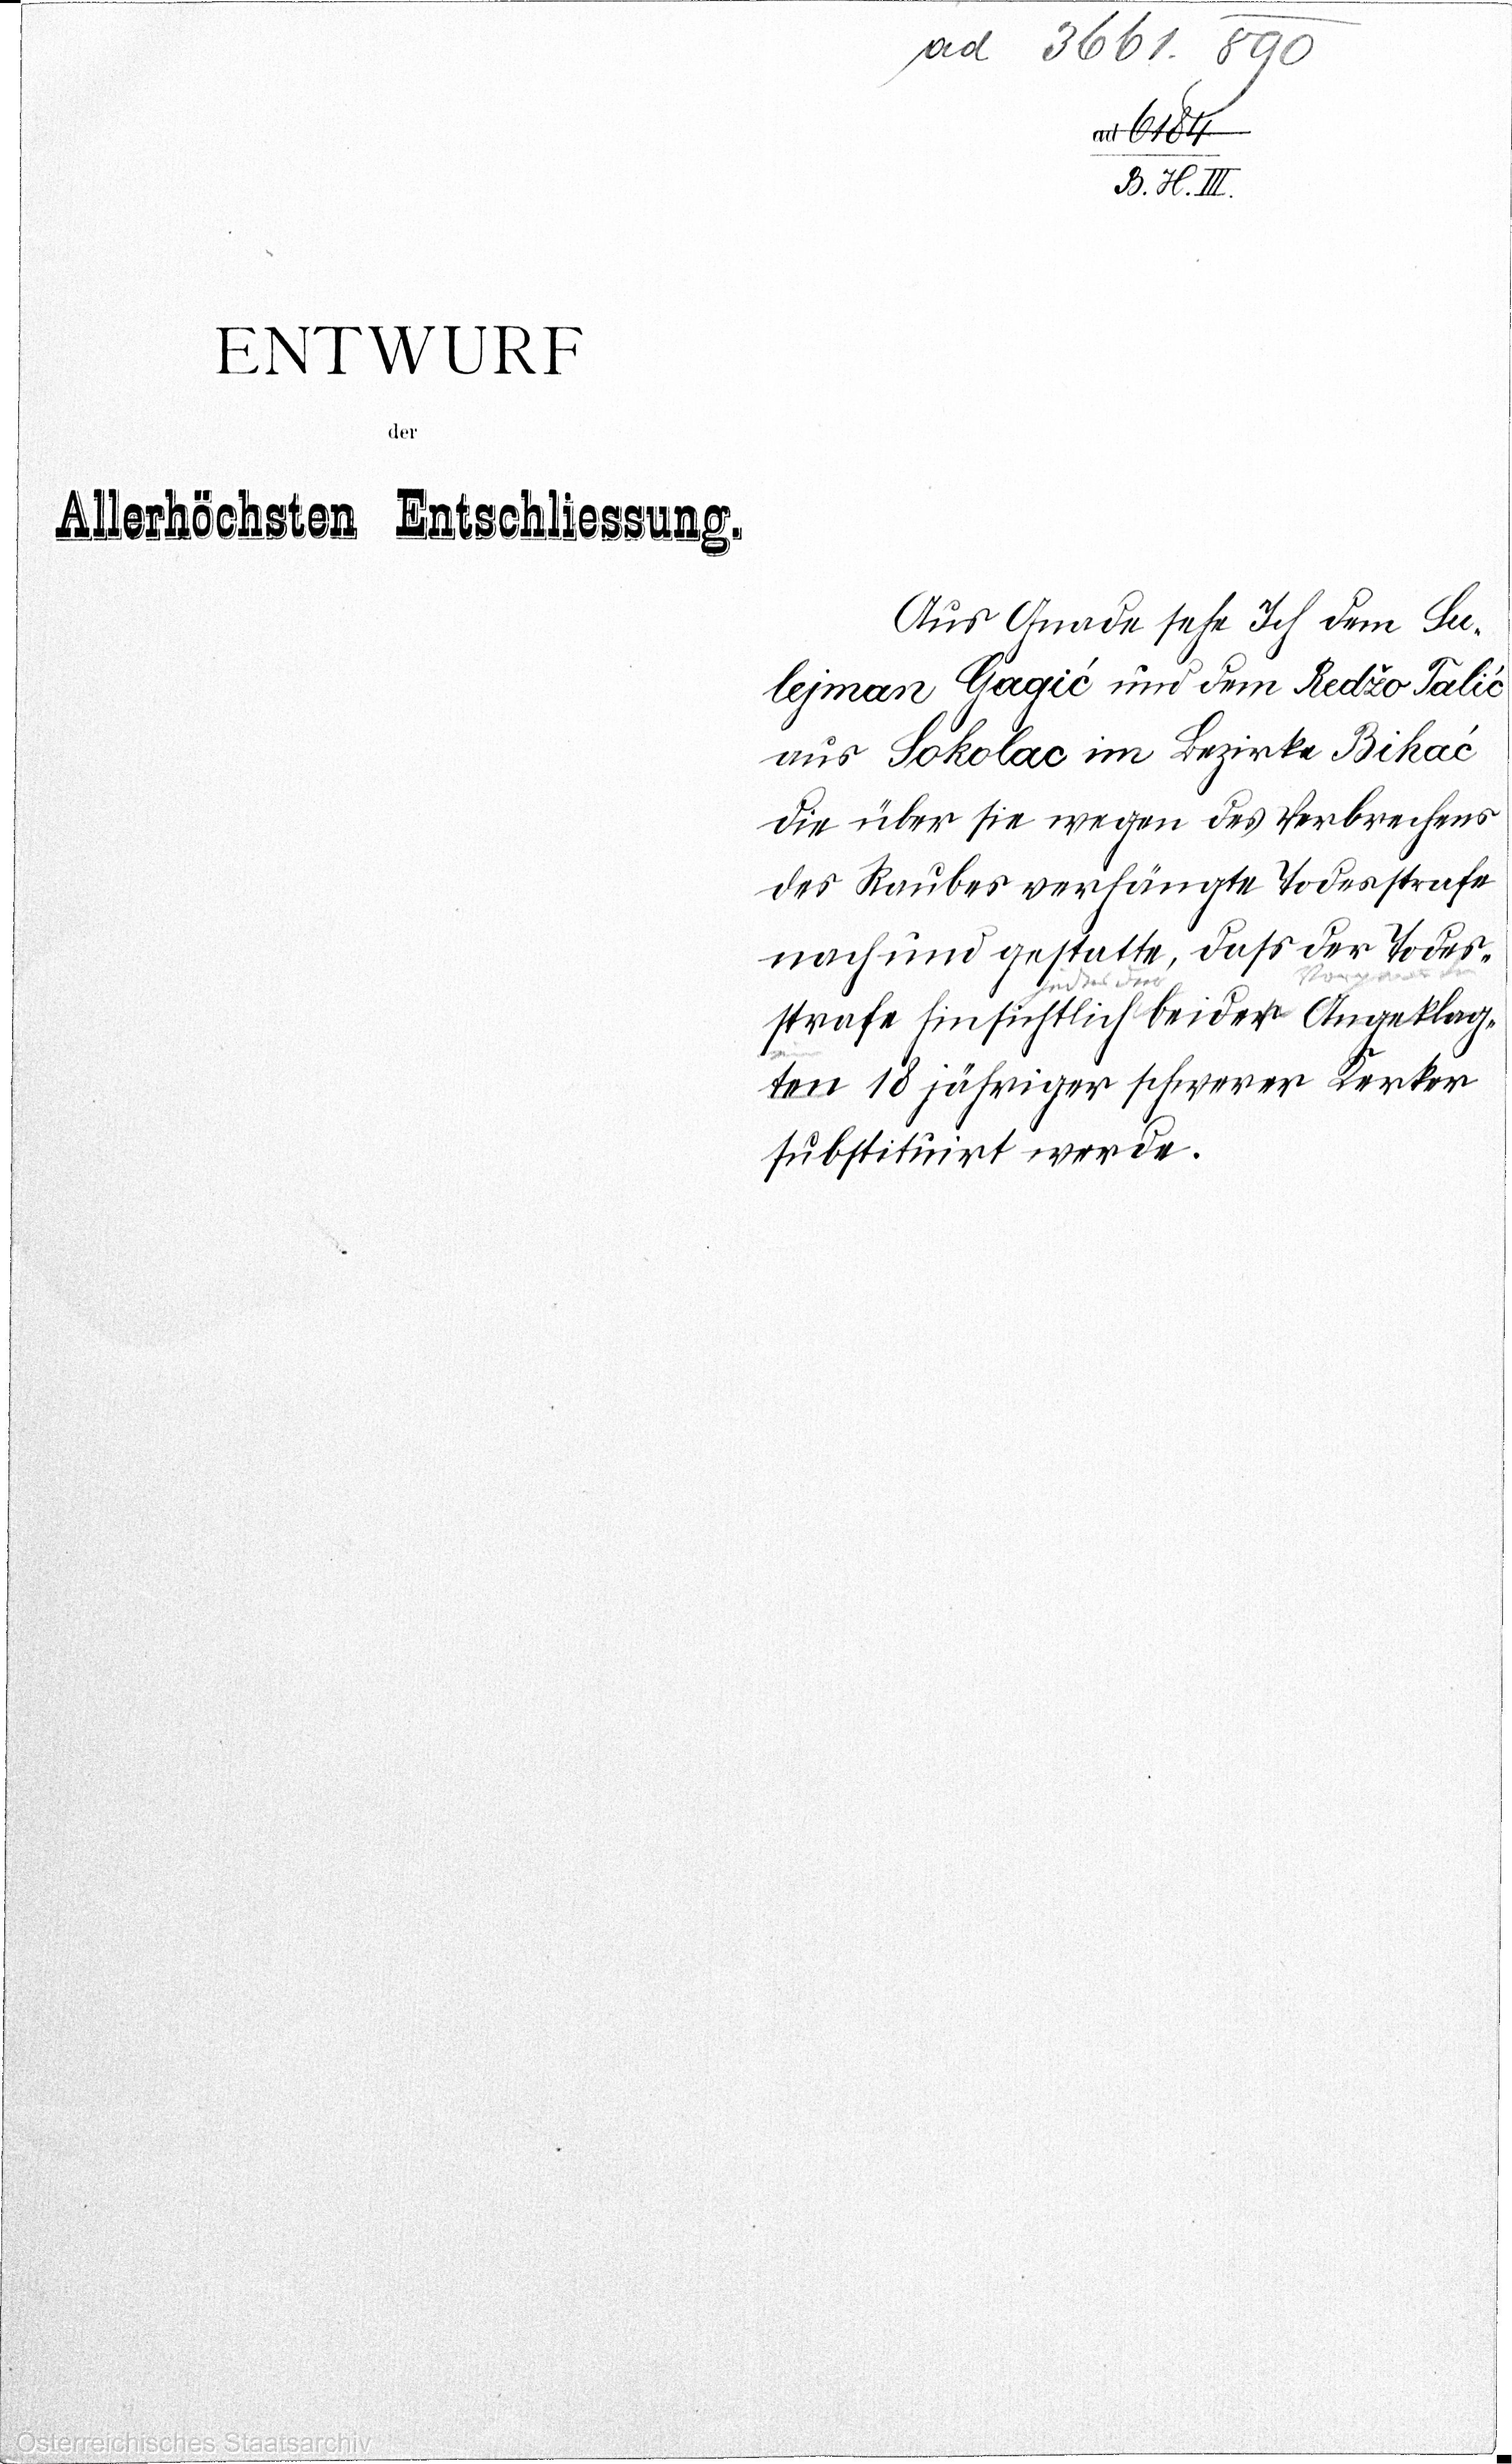ad 3661. 890
B.H.III.
ENTWURF
der
Allerhöchsten Entschliessung.
Aus Gnade sehr Ich dem Su¬
lejman Gagić und dem Redžo Talić
aus Sokolac im Bezirke Bihać
die über sie wegen des Verbrechens
des Raubes verhängte Todesstrafe
nach und gestatte, dass der Todes¬
jedes der
Vorgans den
strafe hinsichtlich beider Angeklag¬
ein
ten 18 jähriger schwerer Kerker
substituirt werde.